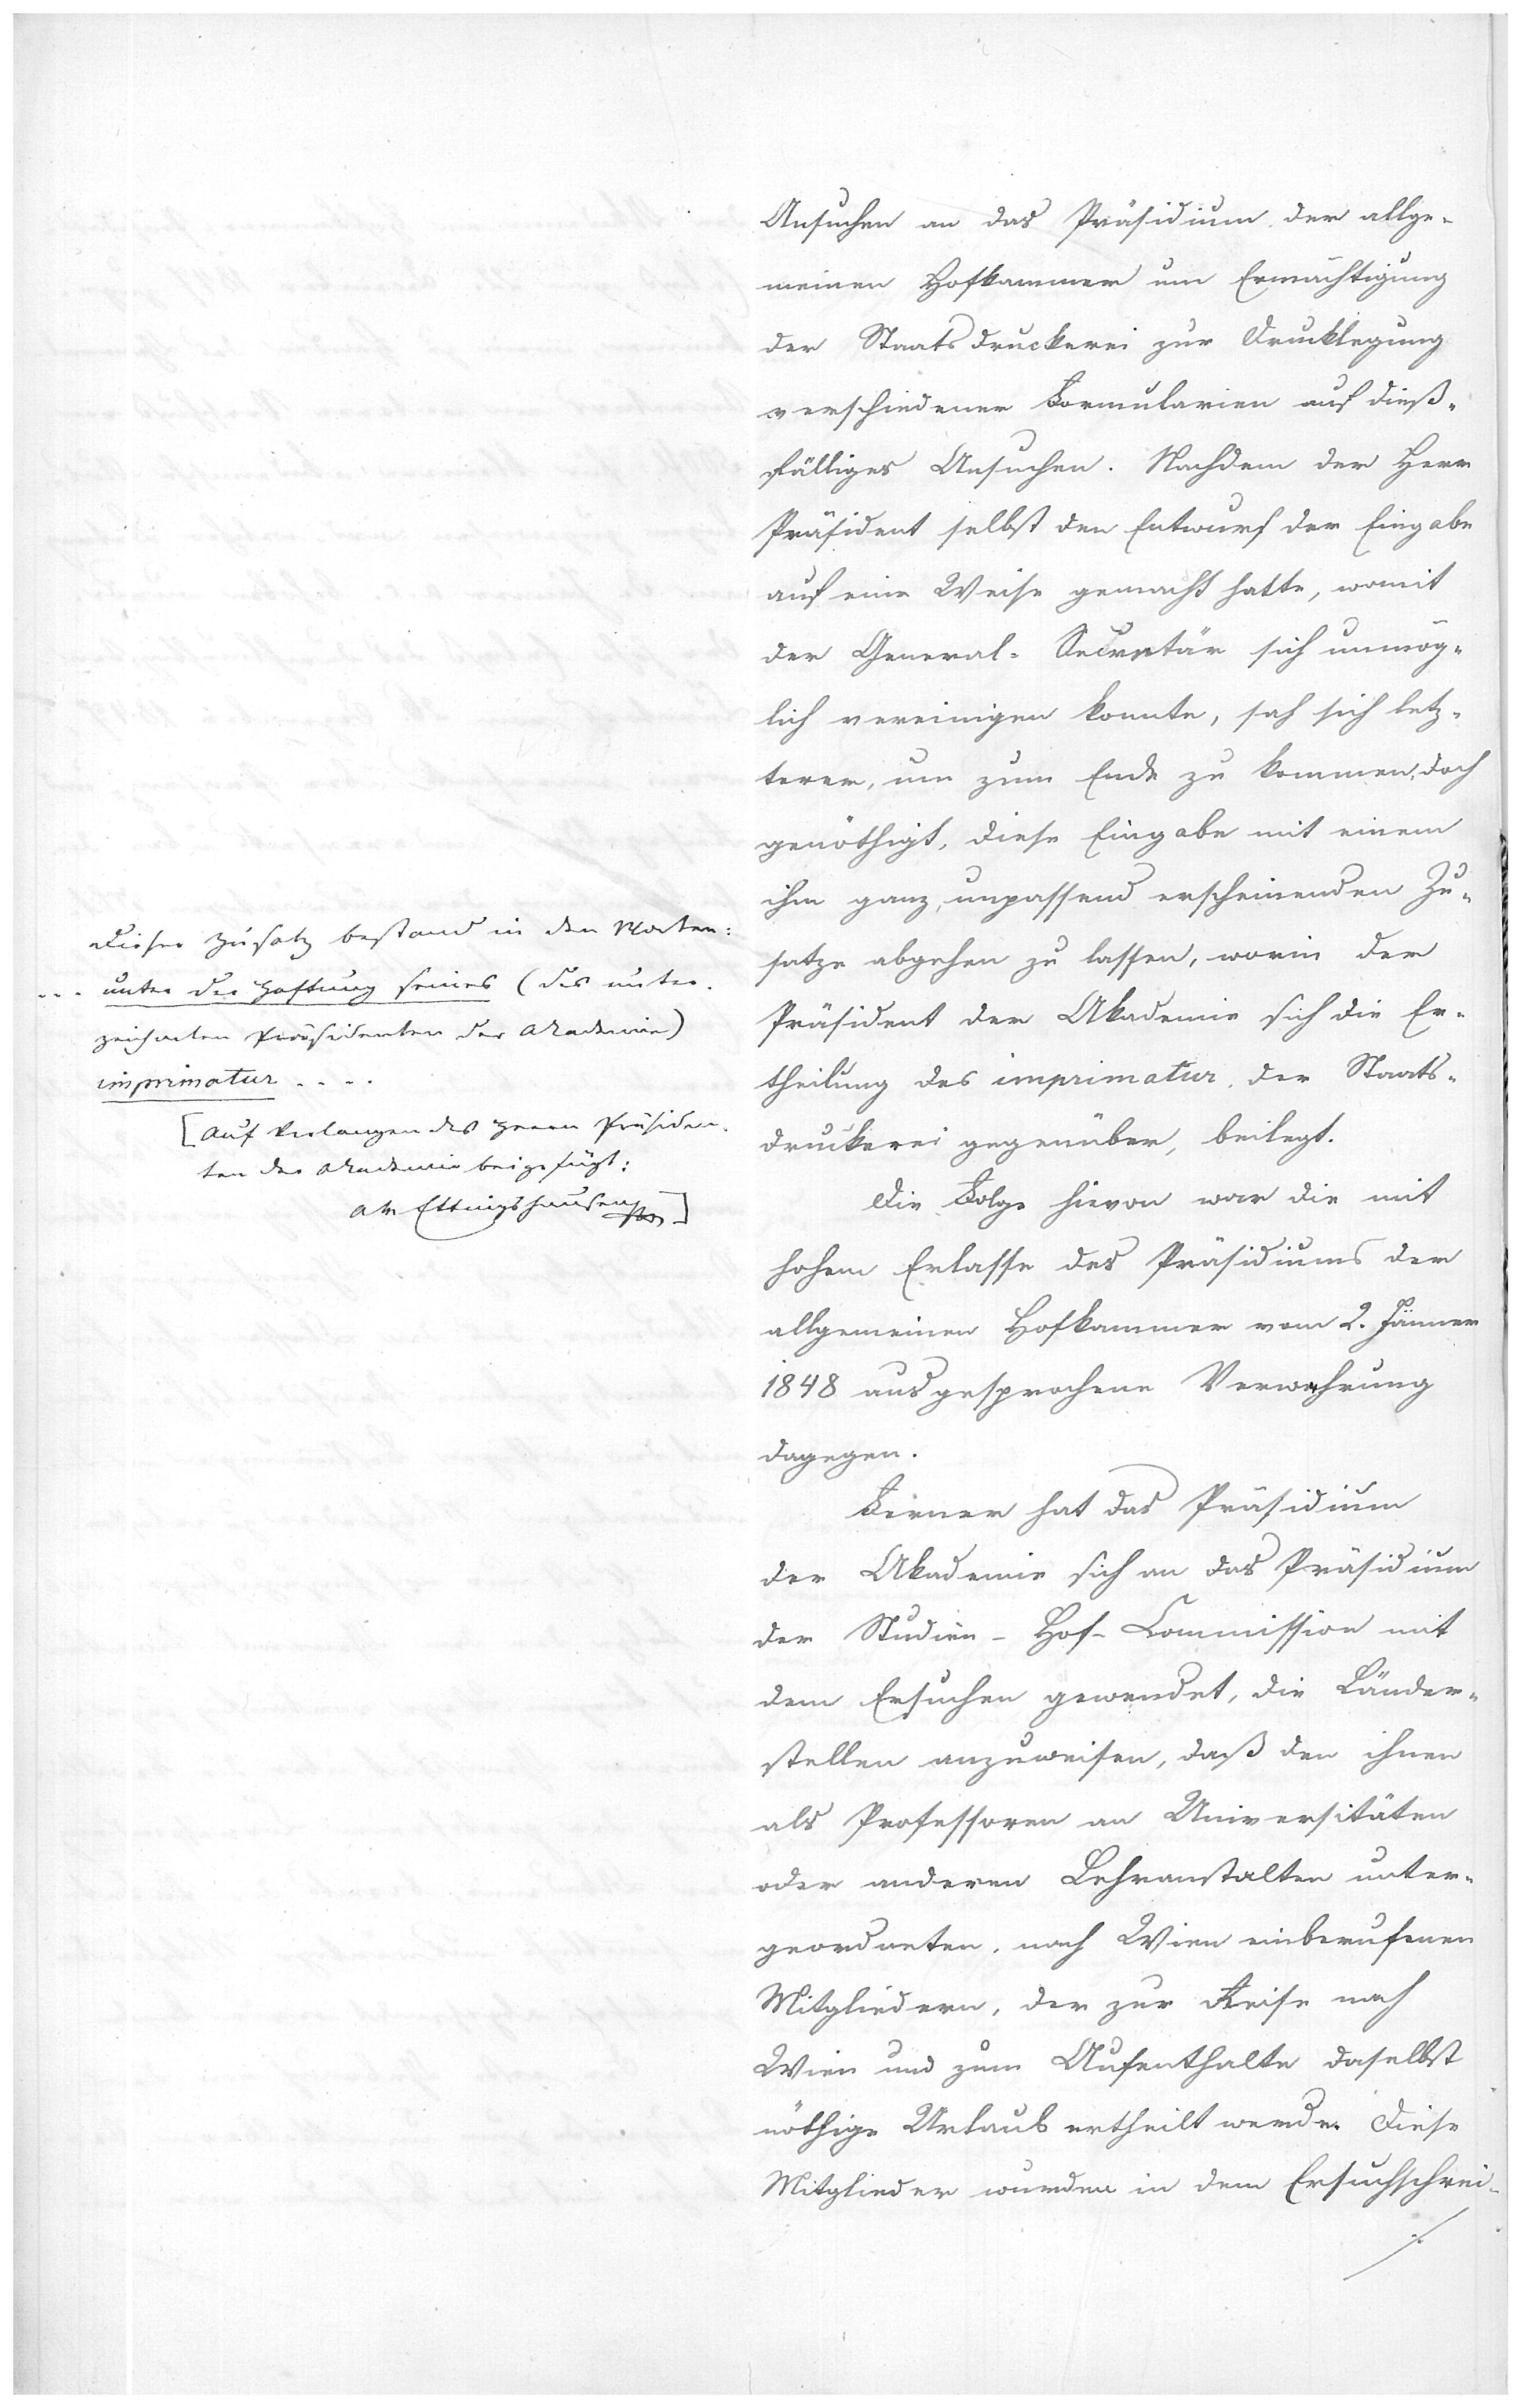dieser Zusatz bestand in den Worten:
unter der Haftung seines (des unter-
zeichneten Präsidtenten der Akademie)
imprimatur
[auf Verlangen des Herrn Präsiden-
ten der Akademie beigefügt.
Av. Ettingshausen
Ansuchen an das Präsidium der allge-
meinen Hofkammer um Ermächtigung
der Staatsdruckerei zur Drucklegung
verschiedener Formularien auf dienst-
fälliges Ansuchen. Nachdem der Herr
Präsident selbst den Entwurf der Eingabe
auf eine Weise gemacht hatte, womit
der General-Secretär sich umög-
lich vereinigen konnte, sah sich letz-
terer, um zum Ende zu kommen, doch
genöthigt, diese Eingabe mit einem
ihm ganz unpassend erscheinenden Zu-
satze abgehen zu lassen, worin der
Präsident der Akademie sich die Er-
theilung des imprimatur der Staats-
druckerei gegenüber beilegt
Die Folge hievor war die mit
hohem Erlasse des Präsidiums der
allgemeinen Hofkammer vom 2. Jänner
1848 ausgesprochene Verwahrung
dagegen.
Ferner hat das Präsidium
der Akademie sich an das Präsidium
der Studien-Hof-Commission mit
dem Erscuehn gewendet, die Länder-
stellen anzuweisen, daß den ihnen
als Professoren an Universitäten
oder anderen Lehranstalten unter-
geordneten, nach Wien einberufenen
Mitgliedern, der zur Reise nach
Wien und zum Aufenthalte daselbst
nöthige Urlaub ertheilt werde. Diese
Mitglieder wurden in dem Ersuchschrei-